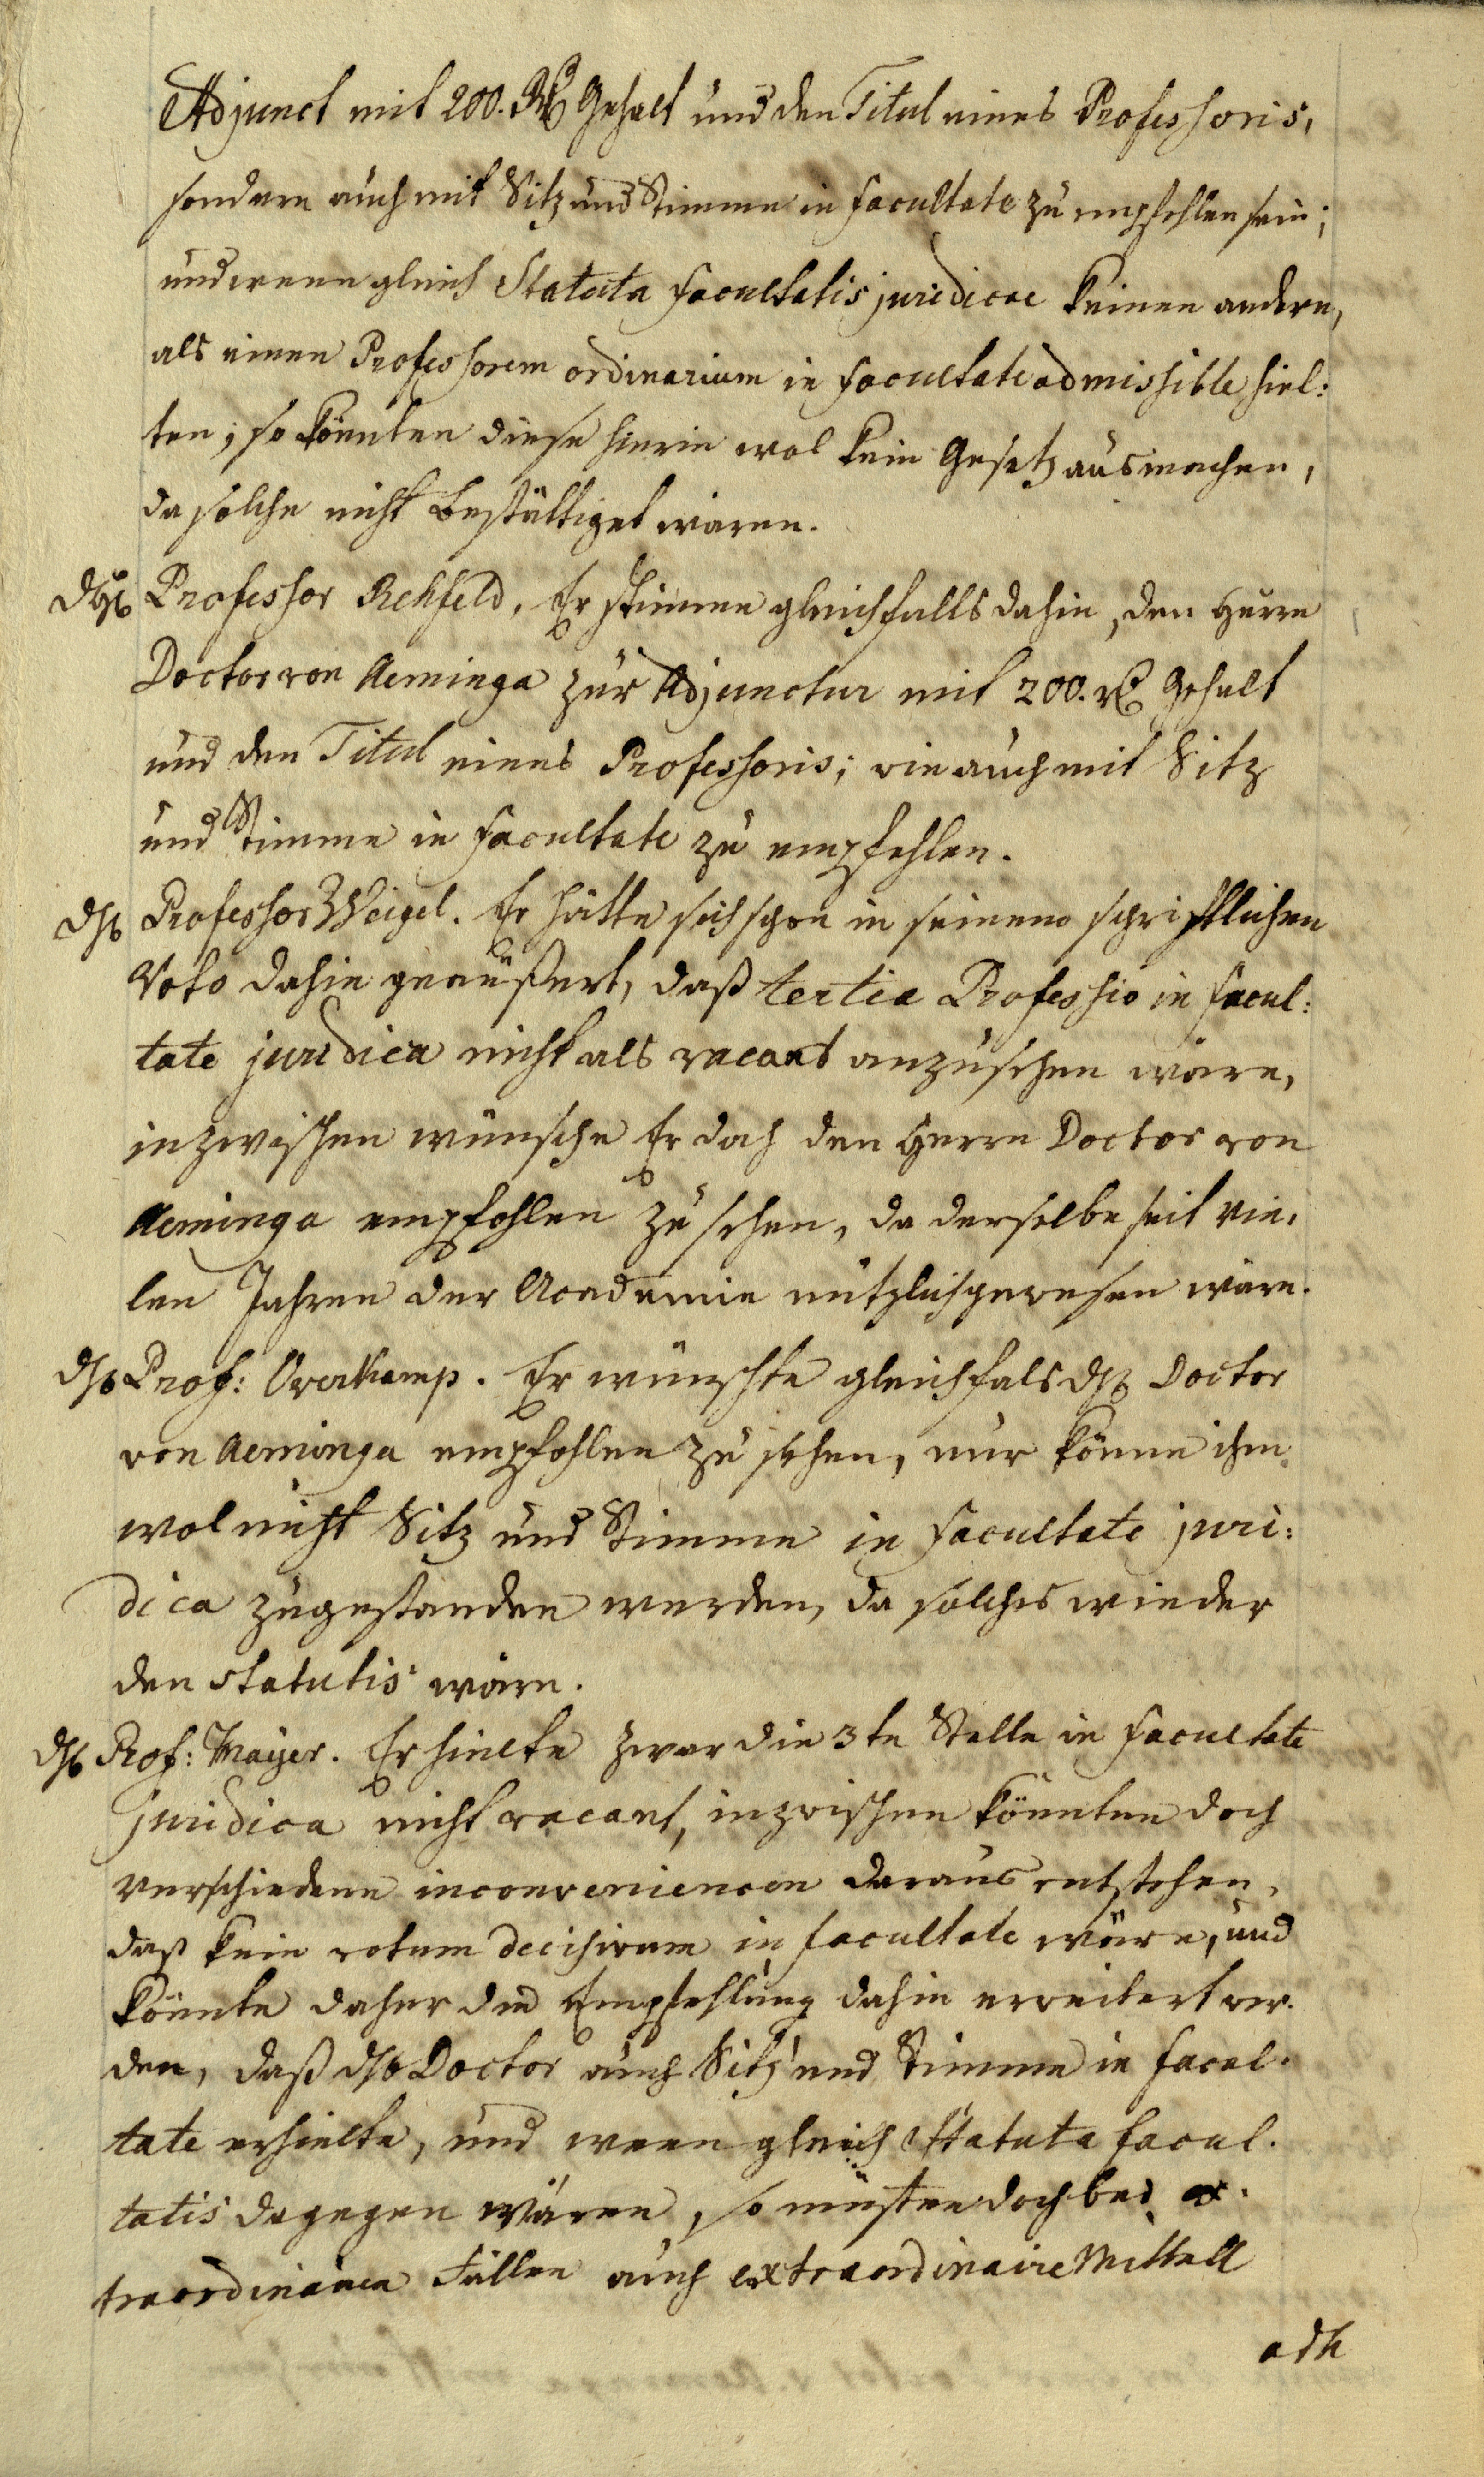Adjunct mit 200 Rt. Gehalt und den Titul eines Professoris,
sondern auch mit Sitz und Stimme in Facultate zu empfehlen sein;
und wenngleich Statuta Facultatis juridicae keinen andern,
als einen Professorem ordinarium in facultati admissible hiel¬
ten, so könnten diese hierin wol kein Gesetz ausmachen,
da solche nicht bestättiget wären.
dH Professor Rehfeld, Er stimme gleich falls dahin, den Herrn
Doctor von Aeminga zur Adjunctur mit 200 rl. Gehalt
und den Titul eines Professoris; wie auch mit Sitz
und Stimme in Facultate zu empfehlen.
dh Professor Weigel. Er hätte sich schon in seinem schriftlichen
Voto dahin geäußert, daß tertia Professio in Facul¬
tate juridica nicht als vacant anzusehen wäre,
inzwischen wünsche Er doch den Herrn Doctor von
Aeminga empfohlen zu sehen, da derselbe seit vie¬
len Jahren der Academie nützlich gewesen wäre.
dh Prof. Overkamp. Er wünschte gleichfals, dh Doctor
von Aeminga empfohlen zu sehen, nur könne ihm
wol nicht Sitz und Stimme in Facultate juri¬
dica zugestanden werden, da solches wieder
den statutis wäre.
dh Prof. Maÿer. Er hielte zwar die 3 te Stelle in Facultate
juridica nicht vacant, inzwischen könnten doch
verschiedene inconveniencen daraus entstehen,
daß kein votum decisivum in Facultate wäre, und
könnte daher die Empfehlung dahin erweitert wer¬
den, daß dh Doctor auch Sitz und Stimme in Facul¬
tate erhielte, und wenngleich Statuta facul¬
tatis dagegen wären, so müsten doch bei ex¬
traordinären Fällen auch extraordinaire Mittel
adh